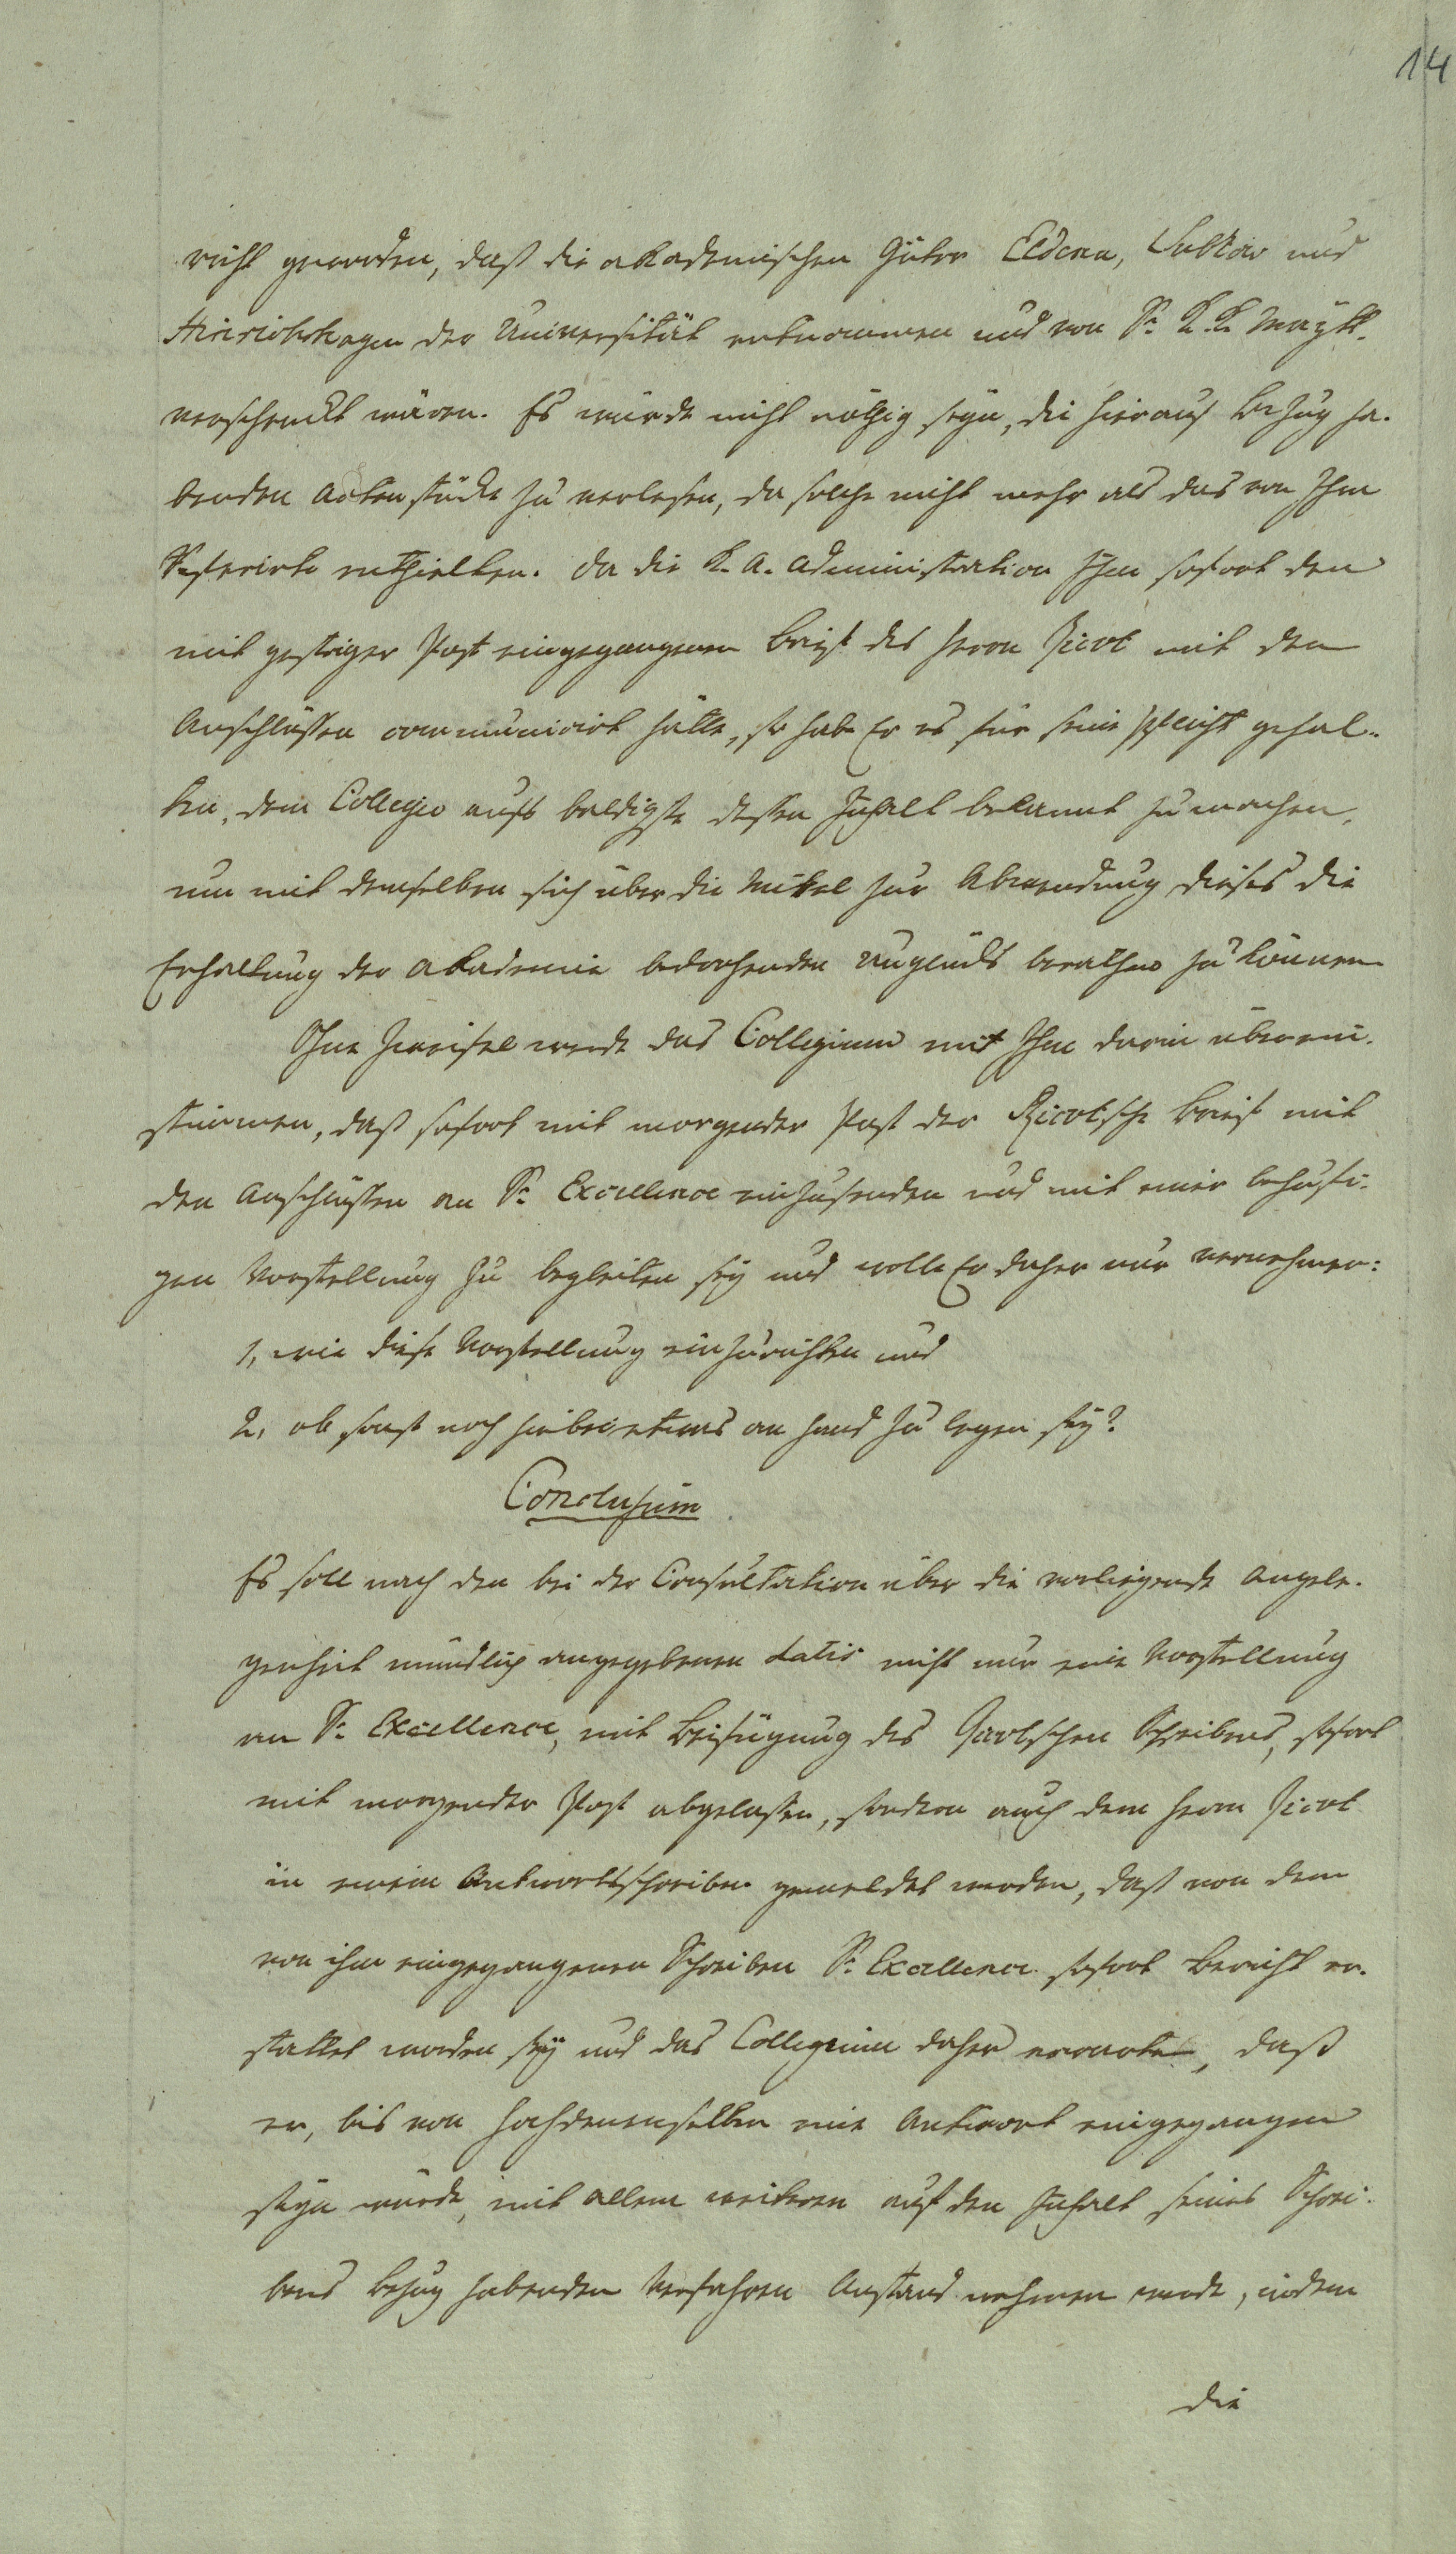richt geworden, daß die akademischen Güter Eldena, Subzow und
Hinrichshagen der Universität entnommen und von Sr. K. H. Maÿtt.
verschenckt wären. Es würde nicht nöthig seÿn, die hierauf Bezug ha¬
benden Actenstücke zu verlesen, da solche nicht mehr als das von Ihm
Referirte enthielten. Da die K. A. Administration Ihm sofort den
mit gestriger Post eingegangenen Brief des herrn Ricot mit den
Anschlüssen communicirt hätte, so habe Er für seine Pflicht gehal¬
ten, dem Collegio aufs baldigste dessen Inhalt bekannt zu machen,
um mit demselben sich über die Mittel zur Abwendung dieses die
Erhaltung der Akademie bedrohenden Unglücks berathen zu können.
Ohne Zweifel werde das Collegium mit Ihm darin überein¬
stimmen, daß sofort mit morgender Post der Ricotsche Brief mit
den Anschlüssen an Sr. Excellence einzusenden und mit einer behufi¬
gen Vorstellung zu begleiten seÿ und wolle Er daher nur vernehmen:
1, wie diese Vorstellung einzurichten und
2, ob sonst noch hiebei etwas an hand zu legen seÿ?
Conclusum
Es soll nach den bei der Consultation über die vorliegende Angele¬
genheit mündlich angegebenen datis nicht nur eine Vorstellung
an Sr. Excellence, mit Beifügung des Ricotschen Schreibens, sofort
mit morgender Post abgelassen, sondern auch dem herrn Ricot
in einem Antwortsschreiben gemeldet werden, daß von dem
von ihm eingegangenen Schreiben Sr. Excellence sofort Bericht er¬
stattet worden seÿ und das Collegium daher erwarte, daß
er, bis von hochdenenselben eine Antwort eingegangen
seÿn würde, mit allem weiteren auf den Inhalt seines Schrei¬
bens Bezug habenden Verfahren Anstand nehmen werde, indem
die